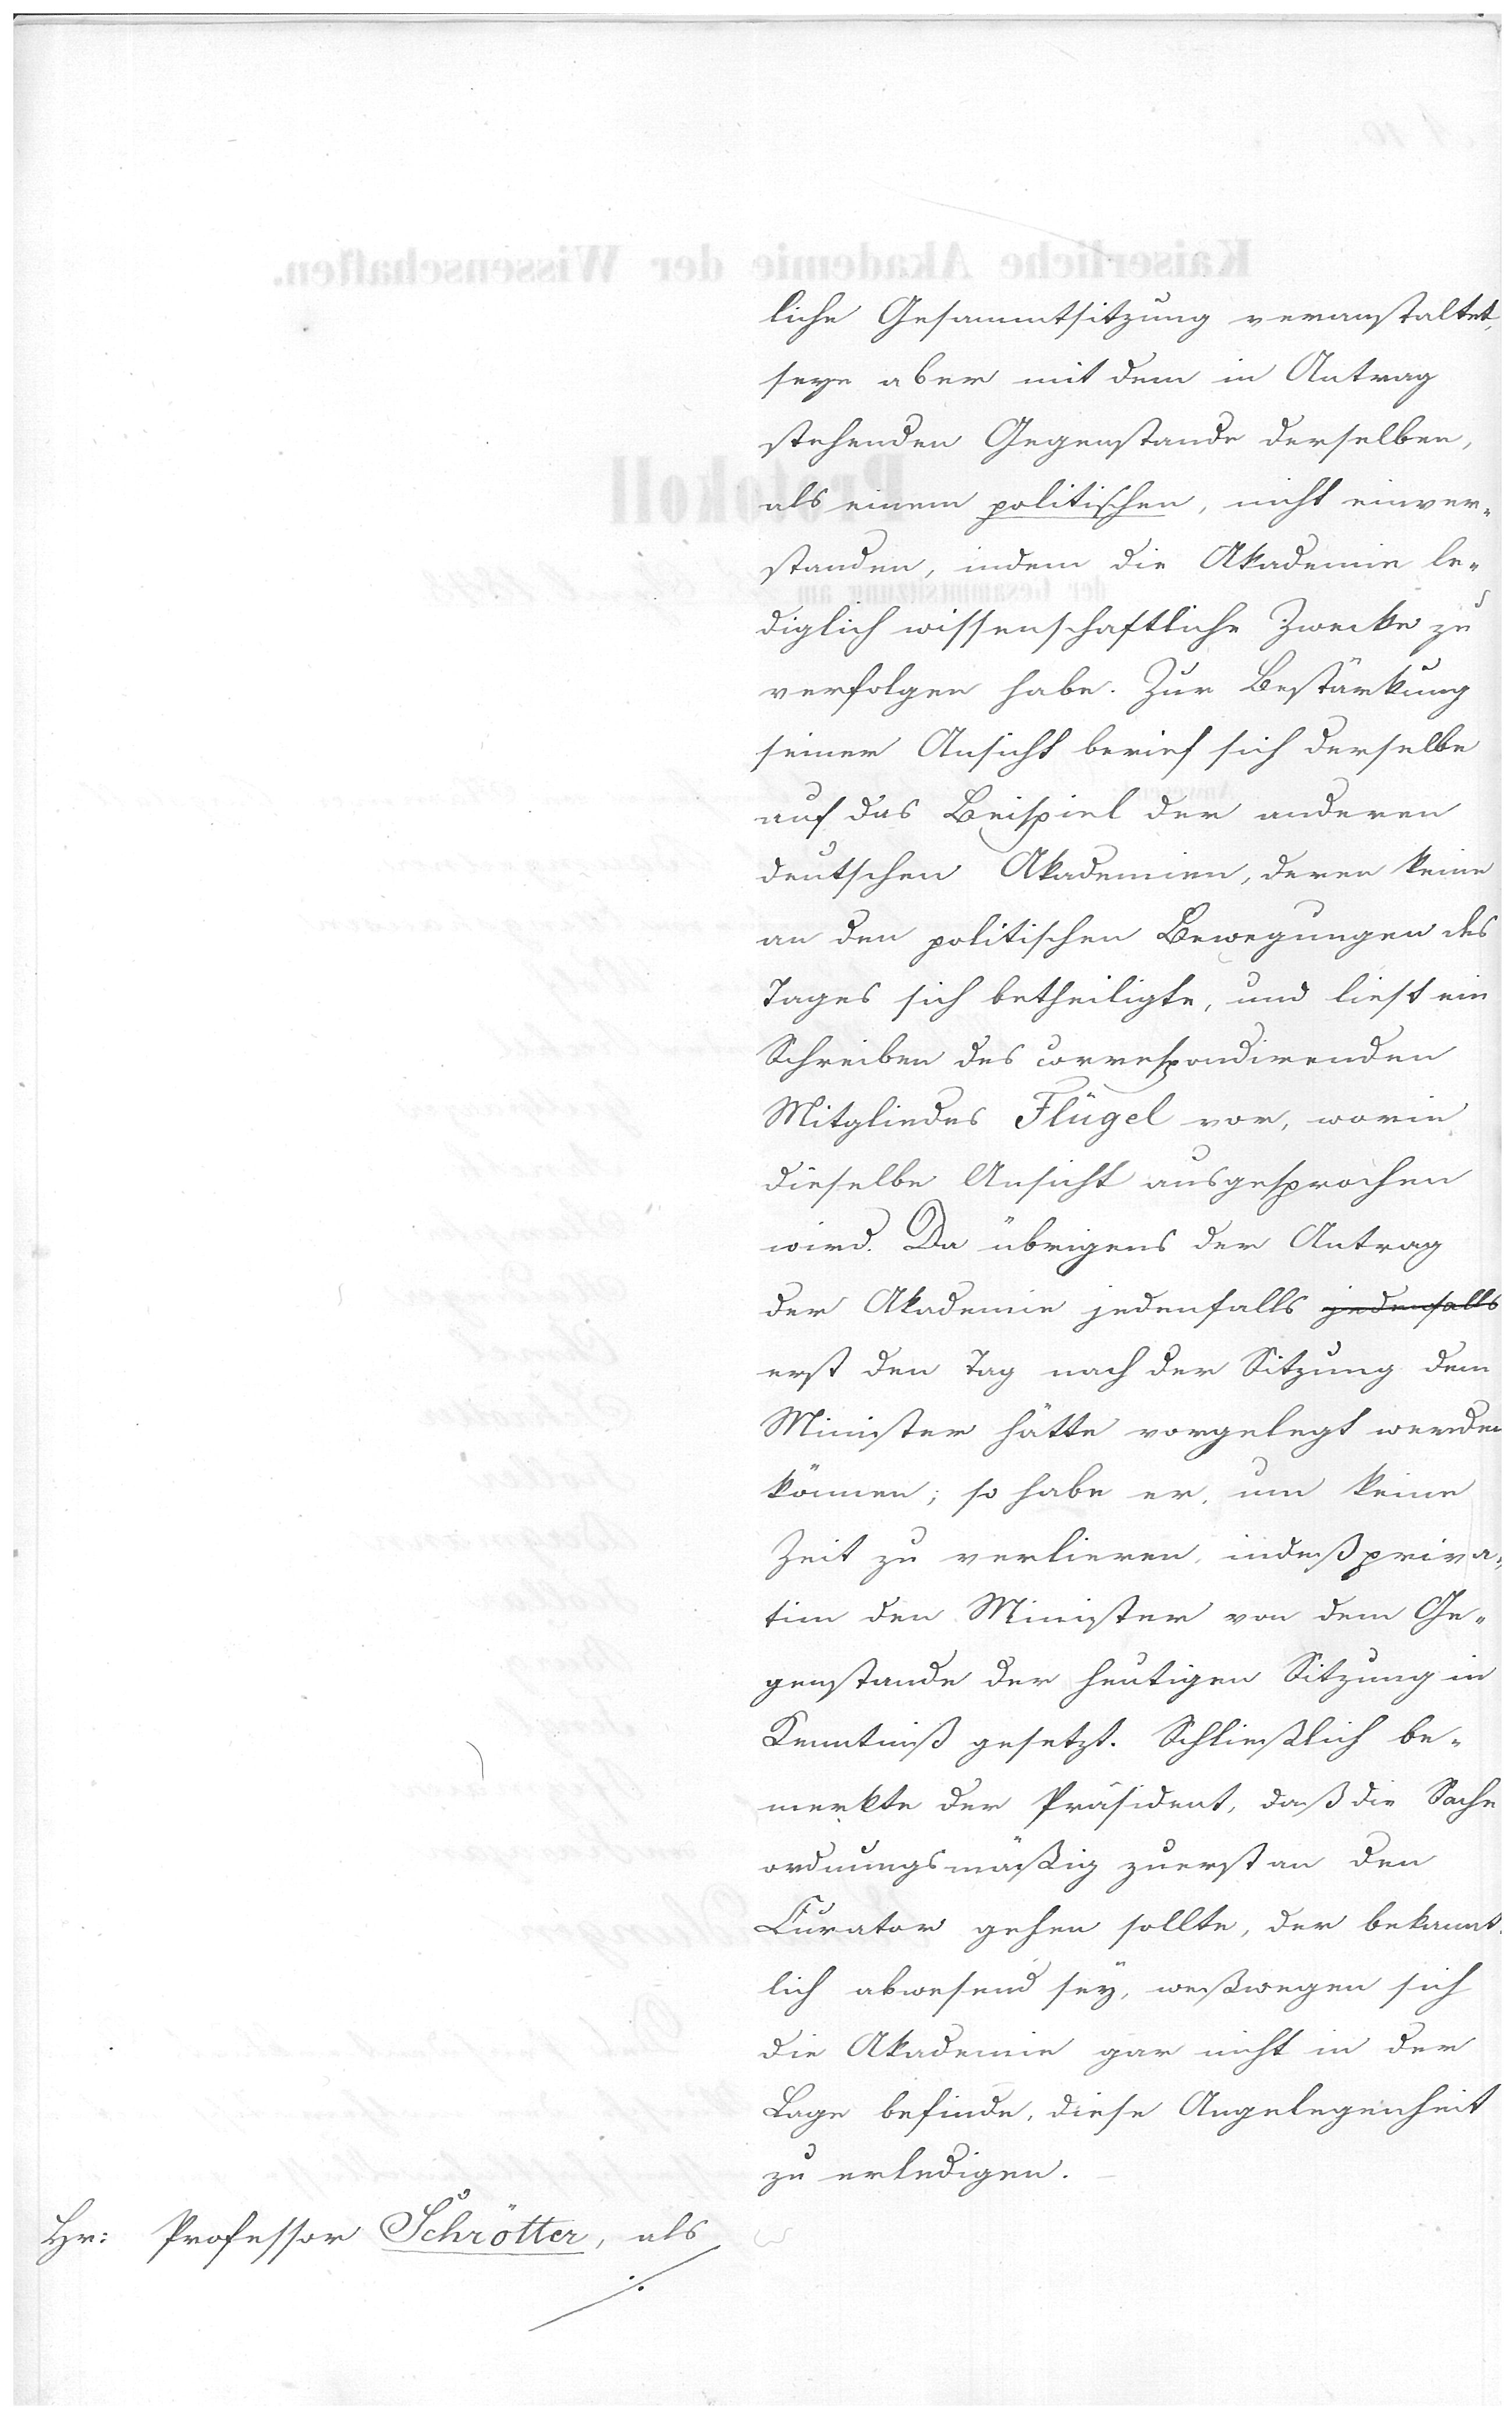liche Gesammtsitzung veranstaltet,
seye aber mit dem in Antrag
stehenden Gegenstande derselben,
als einem politischen, nicht einver-
standen, indem die Akademie le-
diglich wissenschaftliche Zwecke zu
verfolgen habe. Zur Bestärkung
seiner Ansicht berief sich derselbe
auf das Beispiel der anderen
deutschen Akademien, deren keine
an den politischen Bewegungen des
Tages sich betheiligte, und liest ein
Schreiben des correspondirenden
Mitgliedes Flügel vor, worin
dieselbe Ansicht ausgesprochen
wird. Die übrigens der Antrag
der Akademie jedenfalls jedenfalls
erst den Tag nach der Sitzung dem
Minister hätte vorgelegt werden
können; so habe er, um keine
Zeit zu verlieren indeß priva-
tim den Minister von dem Ge-
genstande der heutigen Sitzung in
Kenntniß gesetzt. Schließlich be-
merkte der Präsident, daß die Sache
ordnungmäßig zuerst an den
Curator gehen sollte, der bekannt-
lich abwesend sey, weßwegen sich
die Akademie gar nicht in der
Lage befinden, diese Angelegenheit
zu erledigen.
Hr. Professor Schrötter, als